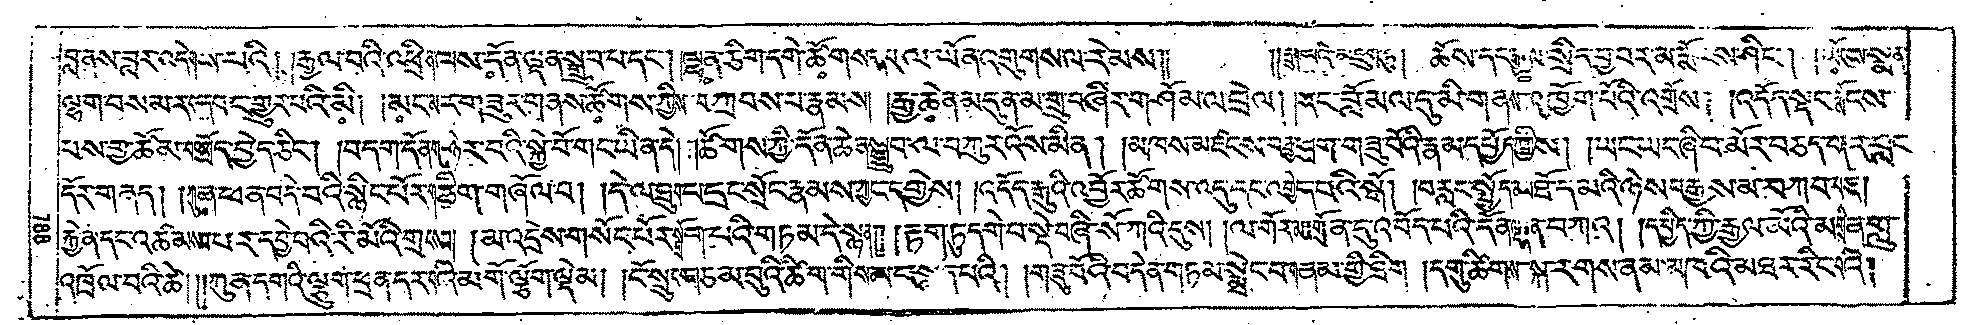བླ་ནས་བླར་འདེགས་པའི། །རྒྱལ་བའི་འཕྲིན་ལས་དོན྾་ལྡན་སྒྲུབ་པ་དང་། །ལྷན྾་ཅིག་དགེ་ཚོགས྾་དཔལ་ཡོན་འགུགས་ལ་རེམས།། །། དྲུག་པའི་མཇུག་ཏུ།  ཆོས་དང་རྒྱལ྾་སྲིད་བྱ་བར་མ་རྨོངས་ཤིང་། །ཡོངས྾་སྨན་
ལྷག་བསམ་རང་དབང་གྱུར་པའི་མི྾། །མང྾་མང་གཟུར་གནས་ཚོགས྾་ཀྱིས་བཀྲབས་པ་རྣམས། །རྒྱ་ཆེན྾་མདུན་མ་གྲུ་བཞིར་གཤོམ་ལ་བྲེལ། །རང་བློ་མལ་དུ་མི་གནས་འཁྱོག་པོའི་འགྲོས། །འདོད་སྡང་རྨོངས་
པས་གྱ་ཚོམ་བགྲོད་བྱེད་ཅིང་། །བདག་དོན་གཉེར་བའི་སྐྱེ་བོ་གང་ཡིན་དེ། །ཚོགས་ཀྱི་དོན་ཆེན་སྒྲུབ་ལ་བཀུར་འོས་མིན། །མཁས་མཛངས་བརྒྱ་ཕྲག་གཟུ་བོའི་རྣམ་དཔྱོད་ཀྱིས། །ཡང་ཡང་ཞིབ་མོར་བཅད་བརྡར་བླང་
དོར་གནད། །ཀུན་ཕན་བདེ་བའི་སྙིང་པོར་གཅིག་གཞོལ་བ། །དེ་ལ་ཐུབ་པ་དྲང་སྲོང་རྣམས་ཀྱང་དགྱེས། །འདོད་རྒུའི་འབྱོར་ཚོགས་འདུ་དང་འགྱེད་པའི་སྒོ། །བརླང་སྤྱོད་མཐོ་དམའི་ཉེས་བརྒྱས་མ་བཀབ་པར།
རྐྱེན་དང་འཚམས་པར་དབྱེ་བའི་རི་མོའི་གྲངས། །མ་འདྲེས་གསོང་པོར་སྒྲོག་པའི་གཏམ་དེ་སྙན། །རྟག་ཏུ་དགེ་བ་སྡེ་བཞི་སོ་ཀའི་དུས། །ལ་གོར་མགྲོན་དུ་འབོད་པའི་དོན་ལྡན་བཀའ། །དཔྱིད་ཀྱི་རྒྱལ་མོའི་མགྲིན་གླུ་
འཁྲོལ་བའི་ཚེ། །ཀུན་དགའི་ལྕུག་ཕྲན་དར་བའི་མགོ་ལྕོག་ལྡེམ། །ངོ་སྲུང་གཅམ་བུའི་ཚིག་གིས་མ་བསླད་པའི། །གཟུ་བོའི་བདེན་གཏམ་སྨྲེང་བ་གནམ་གྱི་ཐིག །དགུ་ཚིགས་སྐ་རགས་ནམ་མཁའི་མཐར་རིང་བའི།